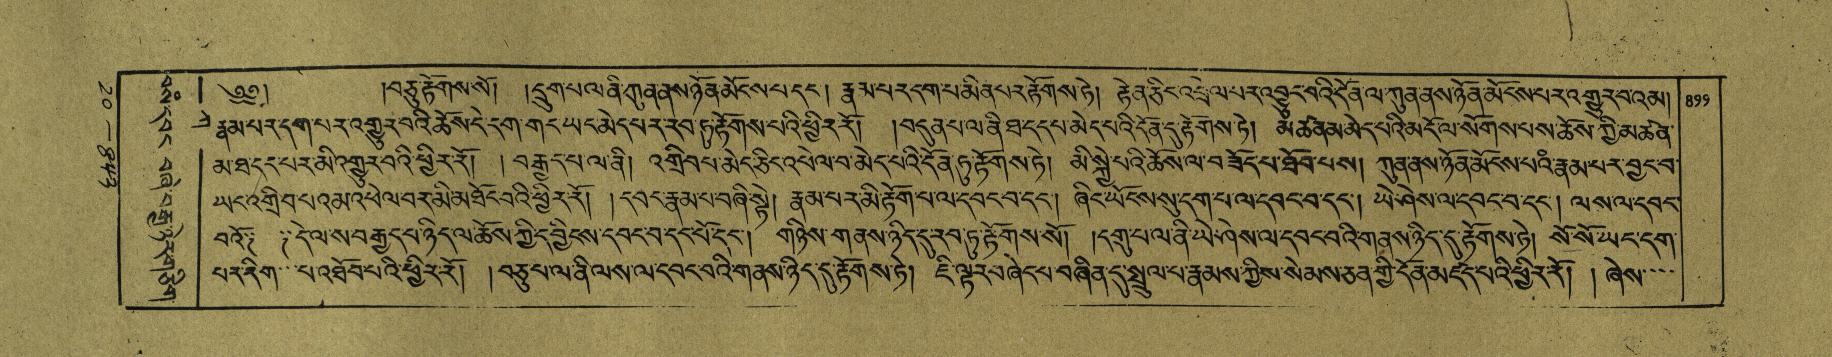༄༅། །བཅུ་རྟོགས་སོ། །དྲུག་པ་ལ་ནི་ཀུན་ནས་ཉོན་མོངས་པ་དང་། རྣམ་པར་དག་པ་མིན་པར་རྟོགས་ཏེ། རྟེན་ཅིང་འབྲེལ་པར་འབྱུང་བའི་དོན་ལ་ཀུན་ནས་ཉོན་མོངས་པར་འགྱུར་བ་འམ།
རྣམ་པར་དག་པར་འགྱུར་བའི་ཆོས་དེ་དག་གང་ཡང་མེད་པར་རབ་ཏུ་རྟོགས་པའི་ཕྱིར་རོ། །བདུན་པ་ལ་ནི་ཐ་དད་པ་མེད་པའི་དོན་དུ་རྟོགས་ཏེ། མཚན་མ་མེད་པའི་མདོ་ལ་སོགས་པས་ཆོས་ཀྱི་མཚན་
མ་ཐ་དད་པར་མི་འགྱུར་བའི་ཕྱིར་རོ། །བརྒྱད་པ་ལ་ནི། འགྲིབ་པ་མེད་ཅིང་འཕེལ་བ་མེད་པའི་དོན་ཏུ་རྟོགས་ཏེ། མི་སྐྱེ་པའི་ཆོས་ལ་བཟོད་པ་ཐོབ་པས། ཀུན་ནས་ཉོན་མོངས་པའཾ་རྣམ་པར་བྱང་བ་
ཡང་འགྲིབ་པའམ་འཕེལ་བར་མི་མཐོང་བའི་ཕྱིར་རོ། །དབང་རྣམ་པ་བཞི་སྟེ། རྣམ་པར་མི་རྟོག་པ་ལ་དབང་བ་དང་། ཞིང་ཡོངས་སུ་དག་པ་ལ་དབང་བ་དང་། ཡེ་ཤེས་ལ་དབང་བ་དང་། ལས་ལ་དབང་
བའོ༑ ༑དེ་ལ་ས་བརྒྱད་པ་ཉིད་ལ་ཆོས་ཀྱི་དབྱིངས་དབང་བ་དང་པོ་དང་། གཉིས་གནས་ཉིད་དུ་རབ་ཏུ་རྟོགས་སོ། །དགུ་པ་ལ་ནི་ཡེ་ཤེས་ལ་དབང་བའི་གནས་ཉིད་དུ་རྟོགས་ཏེ། སོ་སོ་ཡང་དག་
པར་རིག་པ་འཐོབ་པའི་ཕྱིར་རོ། །བཅུ་པ་ལ་ནི་ལས་ལ་དབང་བའི་གནས་ཉིད་དུ་རྟོགས་ཏེ། ཇི་ལྟར་བཞེང་པ་བཞིན་དུ་སྤྲུལ་པ་རྣམས་ཀྱིས་སེམས་ཅན་གྱི་དོན་མཛད་པའི་ཕྱིར་རོ། །ཞེས་